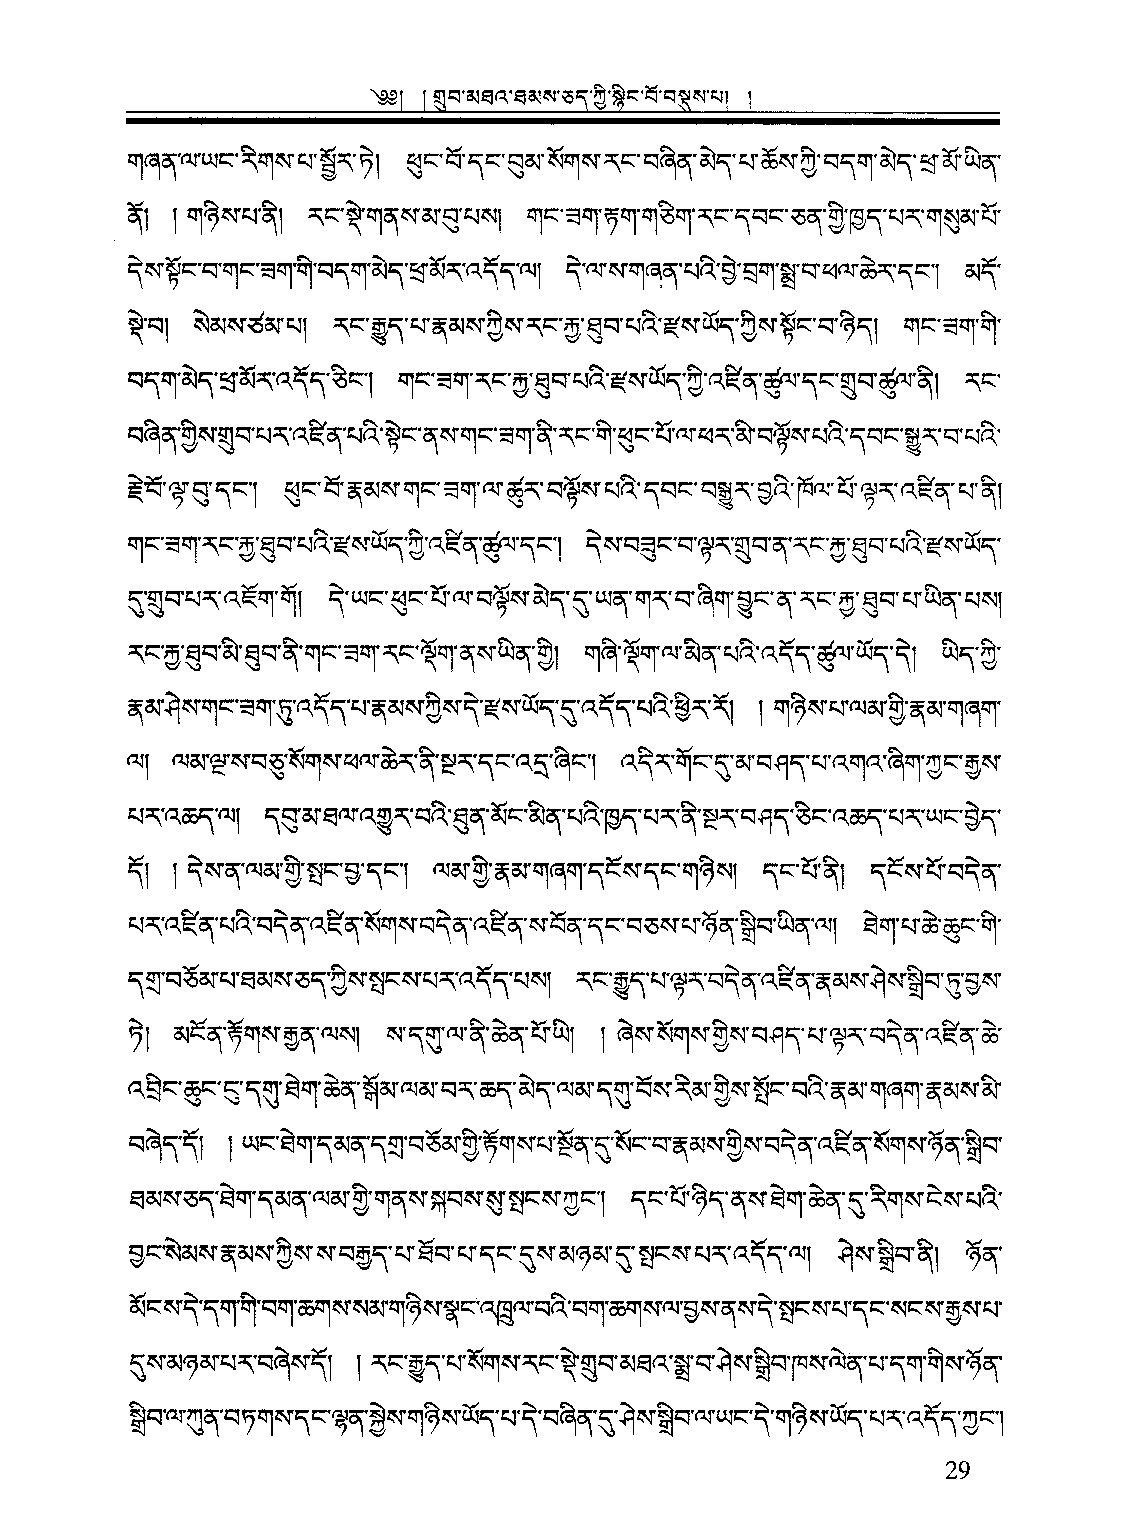གཞན་ལ་ཡང་རིགས་པ་སྦྱོར་ཏེ། ཕུང་པོ་དང་བུམ་སོགས་རང་བཞིན་མེད་པ་ཆོས་ཀྱི་བདག་མེད་ཕྲ་མོ་ཡིན་
ནོ། །གཉིས་པ་ནི། རང་སྡེ་གནས་མ་བུ་པས། གང་ཟག་རྟག་གཅིག་རང་དབང་ཅན་གྱི་ཁྱད་པར་གསུམ་པོ་
དེས་སྟོང་པ་གང་ཟག་གི་བདག་མེད་ཕྲ་མོར་འདོད་ལ། དེ་ལ་ས་གཞན་པའི་བྱེ་བྲག་སྨྲ་བ་ཕལ་ཆེར་དང་། མདོ་
སྡེ་བ། སེམས་ཙམ་པ། རང་རྒྱུད་པ་རྣམས་ཀྱིས་རང་རྐྱ་ཐུབ་པའི་རྫས་ཡོད་ཀྱིས་སྟོང་བ་ཉིད། གང་ཟག་གི་
བདག་མེད་ཕྲ་མོར་འདོད་ཅིང་། གང་ཟག་རང་རྐྱ་ཐུབ་པའི་རྫས་ཡོད་ཀྱི་འཛིན་ཚུལ་དང་གྲུབ་ཚུལ་ནི། རང་
བཞིན་གྱིས་གྲུབ་པར་འཛིན་པའི་སྟེང་ནས་གང་ཟག་ནི་རང་གི་ཕུང་པོ་ལ་ཕར་མི་བལྟོས་པའི་དབང་སྒྱུར་བ་པའི་
རྗེ་བོ་ལྟ་བུ་དང་། ཕུང་བོ་རྣམས་གང་ཟག་ལ་ཚུར་བལྟོས་པའི་དབང་བསྒྱུར་བྱའི་ཁོལ་པོ་ལྟར་འཛིན་པ་ནི།
གང་ཟག་རང་རྐྱ་ཐུབ་པའི་རྫས་ཡོད་ཀྱི་འཛིན་ཚུལ་དང་། དེས་བཟུང་བ་ལྟར་གྲུབ་ན་རང་རྐྱ་ཐུབ་པའི་རྫས་ཡོད་
དུ་གྲུབ་པར་འཇོག་གོ། དེ་ཡང་ཕུང་པོ་ལ་བལྟོས་མེད་དུ་ཡན་གར་བ་ཞིག་བྱུང་ན་རང་རྐྱ་ཐུབ་པ་ཡིན་པས།
རང་རྐྱ་ཐུབ་མི་ཐུབ་ནི་གང་ཟག་རང་ལྡོག་ནས་ཡིན་གྱི། གཞི་ལྡོག་ལ་མིན་པའི་འདོད་ཚུལ་ཡོད་དེ། ཡིད་ཀྱི་
རྣམ་ཤེས་གང་ཟག་ཏུ་འདོད་པ་རྣམས་ཀྱིས་དེ་རྫས་ཡོད་དུ་འདོད་པའི་ཕྱིར་རོ། །གཉིས་པ་ལམ་གྱི་རྣམ་གཞག་
ལ། ལམ་ལྔ་ས་བཅུ་སོགས་ཕལ་ཆེར་ནི་སྔར་དང་འདྲ་ཞིང་། འདིར་གོང་དུ་མ་བཤད་པ་འགའ་ཞིག་ཀྱང་རྒྱས་
པར་འཆད་ལ། དབུ་མ་ཐལ་འགྱུར་བའི་ཐུན་མོང་མིན་པའི་ཁྱད་པར་ནི་སྔར་བཤད་ཅིང་འཆད་པར་ཡང་བྱེད་
དོ། །དེས་ན་ལམ་གྱི་སྤང་བྱ་དང་། ལམ་གྱི་རྣམ་གཞག་དངོས་དང་གཉིས། དང་པོ་ནི། དངོས་པོ་བདེན་
པར་འཛིན་པའི་བདེན་འཛིན་སོགས་བདེན་འཛིན་ས་བོན་དང་བཅས་པ་ཉོན་སྒྲིབ་ཡིན་ལ། ཐེག་པ་ཆེ་ཆུང་གི་
དགྲ་བཅོམ་པ་ཐམས་ཅད་ཀྱིས་སྤངས་པར་འདོད་པས། རང་རྒྱུད་པ་ལྟར་བདེན་འཛིན་རྣམས་ཤེས་སྒྲིབ་ཏུ་བྱས་
ཏེ། མངོན་རྟོགས་རྒྱན་ལས། ས་དགུ་ལ་ནི་ཆེན་པོ་ཡི། །ཞེས་སོགས་གྱིས་བཤད་པ་ལྟར་བདེན་འཛིན་ཆེ་
འབྲིང་ཆུང་ངུ་དགུ་ཐེག་ཆེན་སྒོམ་ལམ་བར་ཆད་མེད་ལམ་དགུ་བོས་རིམ་གྱིས་སྤོང་བའི་རྣམ་གཞག་རྣམས་མི་
བཞེད་དོ། །ཡང་ཐེག་དམན་དགྲ་བཅོམ་གྱི་རྟོགས་པ་སྔོན་དུ་སོང་བ་རྣམས་གྱིས་བདེན་འཛིན་སོགས་ཉོན་སྒྲིབ་
ཐམས་ཅད་ཐེག་དམན་ལམ་གྱི་གནས་སྐབས་སུ་སྤངས་ཀྱང་། དང་པོ་ཉིད་ནས་ཐེག་ཆེན་དུ་རིགས་ངེས་པའི་
བྱང་སེམས་རྣམས་ཀྱིས་ས་བརྒྱད་པ་ཐོབ་པ་དང་དུས་མཉམ་དུ་སྤངས་པར་འདོད་ལ། ཤེས་སྒྲིབ་ནི། ཉོན་
མོངས་དེ་དག་གི་བག་ཆགས་སམ་གཉིས་སྣང་འཁྲུལ་བའི་བག་ཆགས་ལ་བྱས་ནས་དེ་སྤངས་པ་དང་སངས་རྒྱས་པ་
དུས་མཉམ་པར་བཞེས་དོ། །རང་རྒྱུད་པ་སོགས་རང་སྡེ་གྲུབ་མཐའ་སྨྲ་བ་ཤེས་སྒྲིབ་ཁས་ལེན་པ་དག་གིས་ཉོན་
སྒྲིབ་ལ་ཀུན་བཏགས་དང་ལྷན་སྐྱེས་གཉིས་ཡོད་པ་དེ་བཞིན་དུ་ཤེས་སྒྲིབ་ལ་ཡང་དེ་གཉིས་ཡོད་པར་འདོད་ཀྱང་།